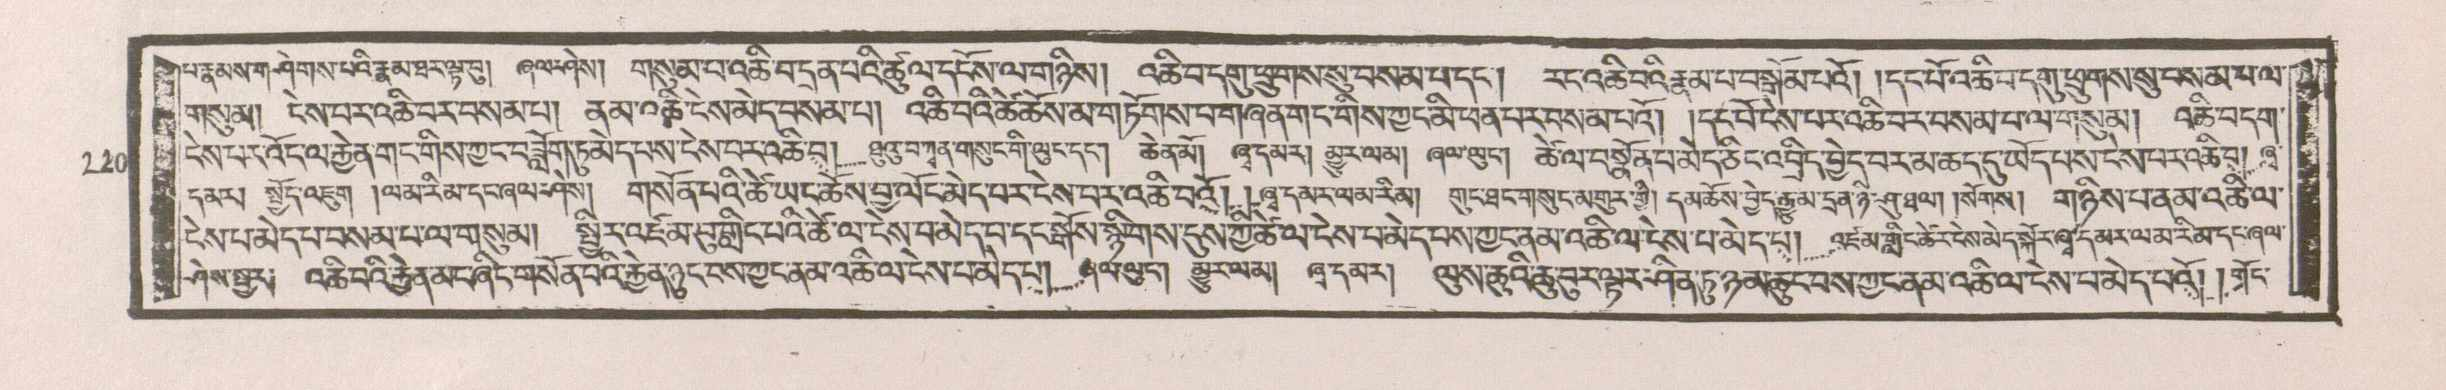པ་རྣམས་གཤེགས་པའི་རྣམ་ཐར་ལྟ་བུ། ཤལ་ཤེས།  གསུམ་པ་འཆི་བ་དྲན་པའི་ཚུལ་དངོས་ལ་གཉིས། འཆི་བ་དགུ་ཕྲུགས་སུ་བསམ་པ་དང་། རང་འཆི་བའི་རྣམ་པ་བསྒོམ་པའོ། །དང་པོ་འཆི་བ་དགུ་ཕྲུགས་སུ་བསམ་པ་ལ་
གསུམ། ངེས་པར་འཆི་བར་བསམ་པ། ནམ་འཆི་ངེས་མེད་བསམ་པ། འཆི་བའི་ཚེ་ཆོས་མ་གཏོགས་པ་གཞན་གང་གིས་ཀྱང་མི་ཕན་པར་བསམ་པའོ། །དང་པོ་ངེས་པར་འཆི་བར་བསམ་པ་ལ་གསུམ། འཆི་བདག་
ངེས་པར་འོད་ལ་རྐྱེན་གང་གིས་ཀྱང་བཟློག་ཏུ་མེད་པས་ངེས་པར་འཆི་བ། ཐུའུ་བཀྭན་གསུང་གི་ལུང་དང་། ཆེན་མོ། ཞྭ་དམར། མྱུར་ལམ། ཞལ་ལུང་།  ཚེ་ལ་བསྣོན་པ་མེད་ཅིང་འབྲིད་བྱེད་བར་མ་ཆད་དུ་ཡོད་པས་ངེས་པར་འཆི་བ། ཞྭ
དམར། སྤྱོད་འཇུག །ལམ་རིམ་དང་ཞལ་ཤེས།  གསོན་པའི་ཚེ་ཡང་ཆོས་བྱ་ལོང་མེད་པར་ངེས་པར་འཆི་བའོ། ། ཞྭ་དམར་ལམ་རིམ། གུང་ཐང་གསུང་མགུར་གྱི། དམ་ཆོས་བྱེད་རྒྱུ་མ་དྲན་ཉིད་ཤུ་ཐལ། །སོགས།  གཉིས་པ་ནམ་འཆི་ལ་
ངེས་པ་མེད་པ་བསམ་པ་ལ་གསུམ། སྤྱིར་འཛམ་བུ་གླིང་པའི་ཚེ་ལ་ངེས་པ་མེད་པ་དང་སྒོས་སྙིགས་དུས་ཀྱི་ཚེ་ལ་ངེས་པ་མེད་པས་ཀྱང་ནམ་འཆི་ལ་ངེས་པ་མེད་པ། འཛམ་གླིང་ཚེར་ངེས་མེད་སྐོར་ཞྭ་དམར་ལམ་རིམ་དང་ཞལ
ཤེས་སྦྱར།  འཆི་བའི་རྐྱེན་མང་ཞིང་གསོན་པའི་རྐྱེན་ཉུང་བས་ཀྱང་ནམ་འཆི་ལ་ངེས་པ་མེད་པ། ཞལ་ལུང་། མྱུར་ལམ། ཞྭ་དམར།  ལུས་ཆུའི་ཆུ་བུར་ལྟར་ཤིན་ཏུ་ཉམ་ཆུངྦས་ཀྱང་ནམ་འཆི་ལ་ངེས་པ་མེད་པའོ། ། གོང